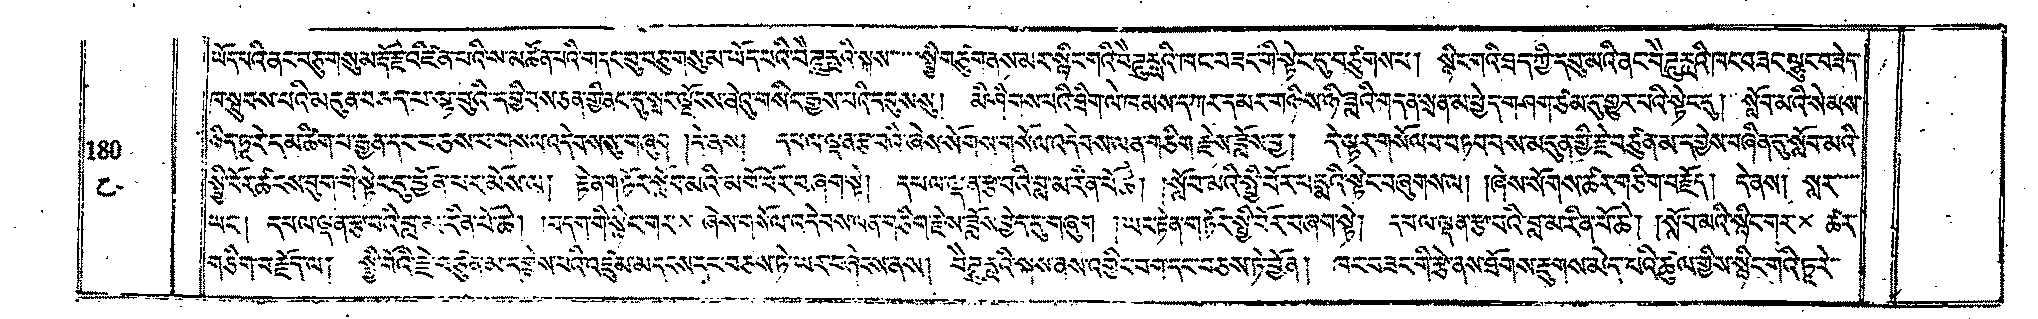ཡོད་པའི་ནང་བཅུ་གསུམ་རྡོ་རྗེ་འཛིན་པའི་ས་མཚོན་པའི་དབང་བུ་བཅུ་གསུམ་ཡོད་པའི་བཻཌཱུརྱའི་སྐས་་་སྤྱི་གཙུག་ནས་མར་སྙིང་གའི་བཻཌཱུརྱའི་ཁང་བཟང་གི་སྟེང་དུ་བཙུགས་པ། སྙིང་གའི་ཐད་ཀྱི་དབུ་མའི་ནང་བཻཌཱུརྱའི་ཁང་བཟང་ལྷུང་བཟེད་
ཁ་སྦུབས་པའི་མདུན་བཅད་པ་ལྟ་བུའི་དབྱིབས་ཅན་གྱི་ནང་དུ་སྤང་ལྗོངས་ནེའུ་གསིང་རྒྱས་པའི་དབུས་སུ། མི་ཤིགས་པའི་ཐིག་ལེ་ཁམས་དཀར་དམར་གཉིས་ཉི་ཟླའི་གདན་སྲན་མ་ཕྱེད་གཤག་ཙམ་དུ་གྱུར་པའི་སྟེང་དུ། སློབ་མའི་སེམས་
ཉིད་ཏཱ་རེ་དམ་ཚིག་པ་རྒྱན་དང་བཅས་པ་གསལ་འདེབས་སུ་གཞུག །དེ་ནས། དཔལ་ལྡན་རྩ་བའི་ཞེས་སོགས་གསོལ་འདེབས་ལན་གཅིག་རྗེས་ཟློས་བྱ། དེ་ལྟར་གསོལ་བ་བཏབ་པས་མདུན་གྱི་རྗེ་བཙུན་མ་དགྱེས་བཞིན་དུ་སློབ་མའི་
སྤྱི་བོར་ཚངས་བུག་གི་སྟེང་དུ་བྱོན་པར་མོས་ལ། རྟེན་གཏོར་སློབ་མའི་མགོ་བོར་བཞག་སྟེ། དཔལ་ལྡན་རྩ་བའི་བླ་མ་རིན་པོ་ཆེ། །སློབ་མའི་སྤྱི་བོར་པདམའི་སྟེང་བཞུགས་ལ། །ཞེས་སོགས་ཚར་གཅིག་བརྗོད། དེ་ནས། སླར་་་
ཡང་། དཔལ་ལྡན་རྩ་བའི་བླ་མ་རིན་པོ་ཆེ། །བདག་གི་སྙིང་གར་྾་ཞེས་གསོལ་འདེབས་ལན་གཅིག་རྗེས་ཟློས་བྱེད་དུ་གཞུག །ཡང་རྟེན་གཏོར་སྤྱི་བོར་བཞག་སྟེ། དཔལ་ལྡན་རྩ་བའི་བླ་མ་རིན་པོ་ཆེ། །སློབ་མའི་སྙིང་གར་྾་ཚར་
གཅིག་བརྗོད་ལ། སྤྱི་བོའི་རྗེ་བཙུན་མ་དགྱེས་པའི་འཛུམ་མདངས་དང་བཅས་ཏེ་ཡར་བཞེངས་ནས། བཻཌཱུརྱའི་སྐས་ནས་འགཡིང་བག་དང་བཅས་ཏེ་བྱོན། ཁང་བཟང་གི་རྩེ་ནས་ཐོགས་རྡུགས་མེད་པའི་ཚུལ་གྱིས་སྙིང་གའི་ཏཱ་རེ་་་